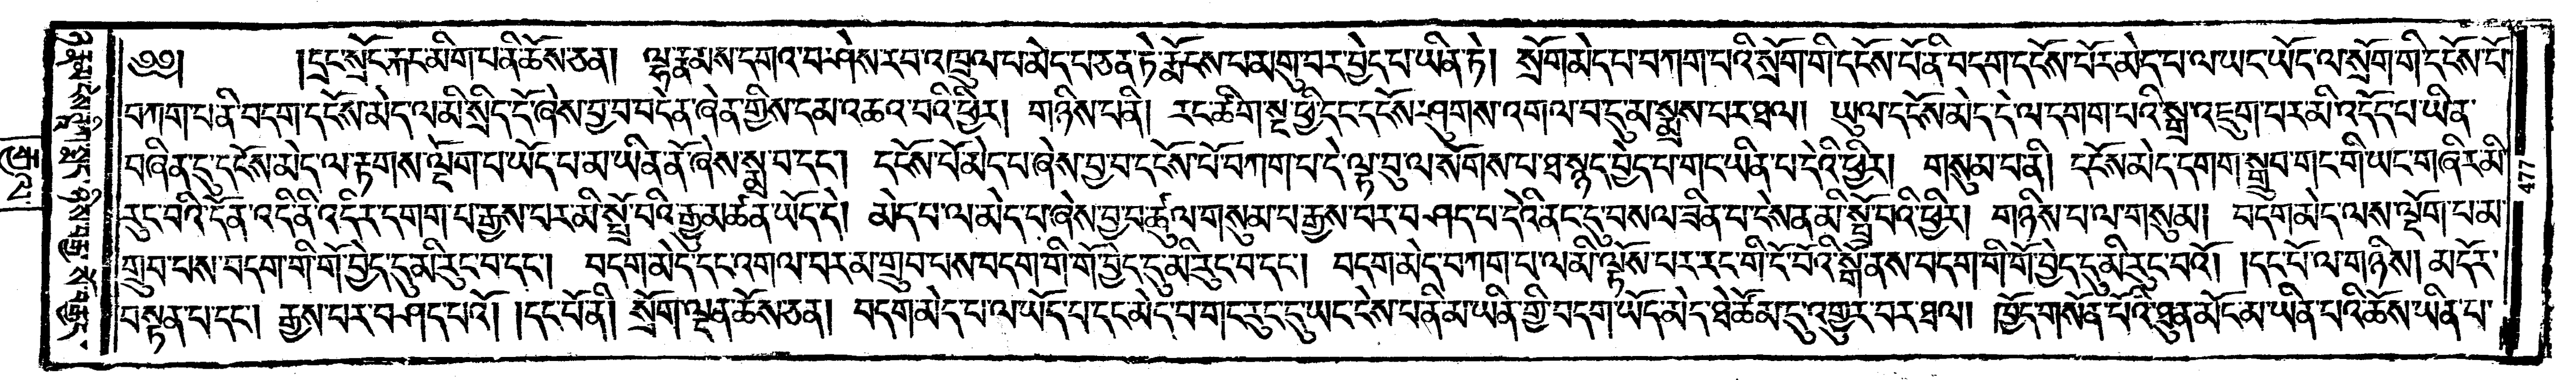༄༅། །དྲང་སྲོང་རྐང་མིག་པ་ནི་ཆོས་ཅན། ལྷ་རྣམས་དགའ་བ་ཤེས་རབ་འཁྲུལ་པ་མེད་པ་ཅན་ཏེ་རྨོངས་པ་མགུ་བར་བྱེད་པ་ཡིན་ཏེ། སྲོག་མེད་པ་བཀག་པའི་སྲོག་གི་དངོས་པོ་ནི་བདག་དངོས་པོར་མེད་པ་ལ་ཡང་ཡོད་ལ་སྲོག་གི་དངོས་པོ་
བཀག་པ་ནི་བདག་དངོས་མེད་ལ་མི་སྲིད་དོ་ཞེས་བྱ་བ་བདེན་ཞེན་གྱིས་དམ་འཆའ་བའི་ཕྱིར། གཉིས་པ་ནི། རང་ཚིག་སྔ་ཕྱི་དང་དངོས་ཤུགས་འགལ་བ་དུ་མ་སྨྲས་པར་ཐལ། ཡུལ་དངོས་མེད་དེ་ལ་དགག་པའི་སྒྲ་འཇུག་པར་མི་འདོད་པ་ཡིན་
བཞིན་དུ་དངོས་མེད་ལ་རྟགས་ལྡོག་པ་ཡོད་པ་མ་ཡིན་ནོ་ཞེས་སྨྲ་བ་དང་། དངོས་པོ་མེད་པ་ཞེས་བྱ་བ་དངོས་པོ་བཀག་པ་དེ་ལྟ་བུ་ལ་སོགས་པ་ཐ་སྙད་བྱེད་པ་གང་ཡིན་པ་དེའི་ཕྱིར། གསུམ་པ་ནི། དངོས་མེད་དགག་སྒྲུབ་གང་གི་ཡང་གཞིར་མི་
རུང་བའི་དོན་འདི་ནི་འདིར་དགག་པ་རྒྱས་པར་མི་སྤྲོ་བའི་རྒྱུ་མཚན་ཡོད་དེ། མེད་པ་ལ་མེད་པ་ཞེས་བྱ་བ་ཚུལ་གསུམ་པ་རྒྱས་པར་བཤད་པ་དེའི་ནང་དུ་བསལ་ཟིན་པ་དེས་ན་མི་སྤྲོ་བའི་ཕྱིར། གཉིས་པ་ལ་གསུམ། བདག་མེད་ལས་ལྡོག་པ་མ་
གྲུབ་པས་བདག་གི་གོ་བྱེད་དུ་མི་རུང་བ་དང་། བདག་མེད་དང་འགལ་བར་མ་གྲུབ་པས་བདག་གི་གོ་བྱེད་དུ་མི་རུང་བ་དང་། བདག་མེད་བཀག་པ་ལ་མི་ལྟོས་པར་རང་གི་ངོ་བོའི་སྒོ་ནས་བདག་གི་གོ་བྱེད་དུ་མི་རུང་བའོ། །དང་པོ་ལ་གཉིས། མདོར་
བསྟན་པ་དང་། རྒྱས་པར་བཤད་པའོ། །དང་པོ་ནི། སྲོག་ལྡན་ཆོས་ཅན། བདག་མེད་པ་ལ་ཡོད་པ་དང་མེད་པ་གང་རུང་དུ་ཡང་ངེས་པ་ནི་མ་ཡིན་གྱི་བདག་ཡོད་མེད་ཐེ་ཚོམ་དུ་འགྱུར་བར་ཐལ། ཁྱོད་གསོན་པོའི་ཐུན་མོང་མ་ཡིན་པའི་ཆོས་ཡིན་པ་